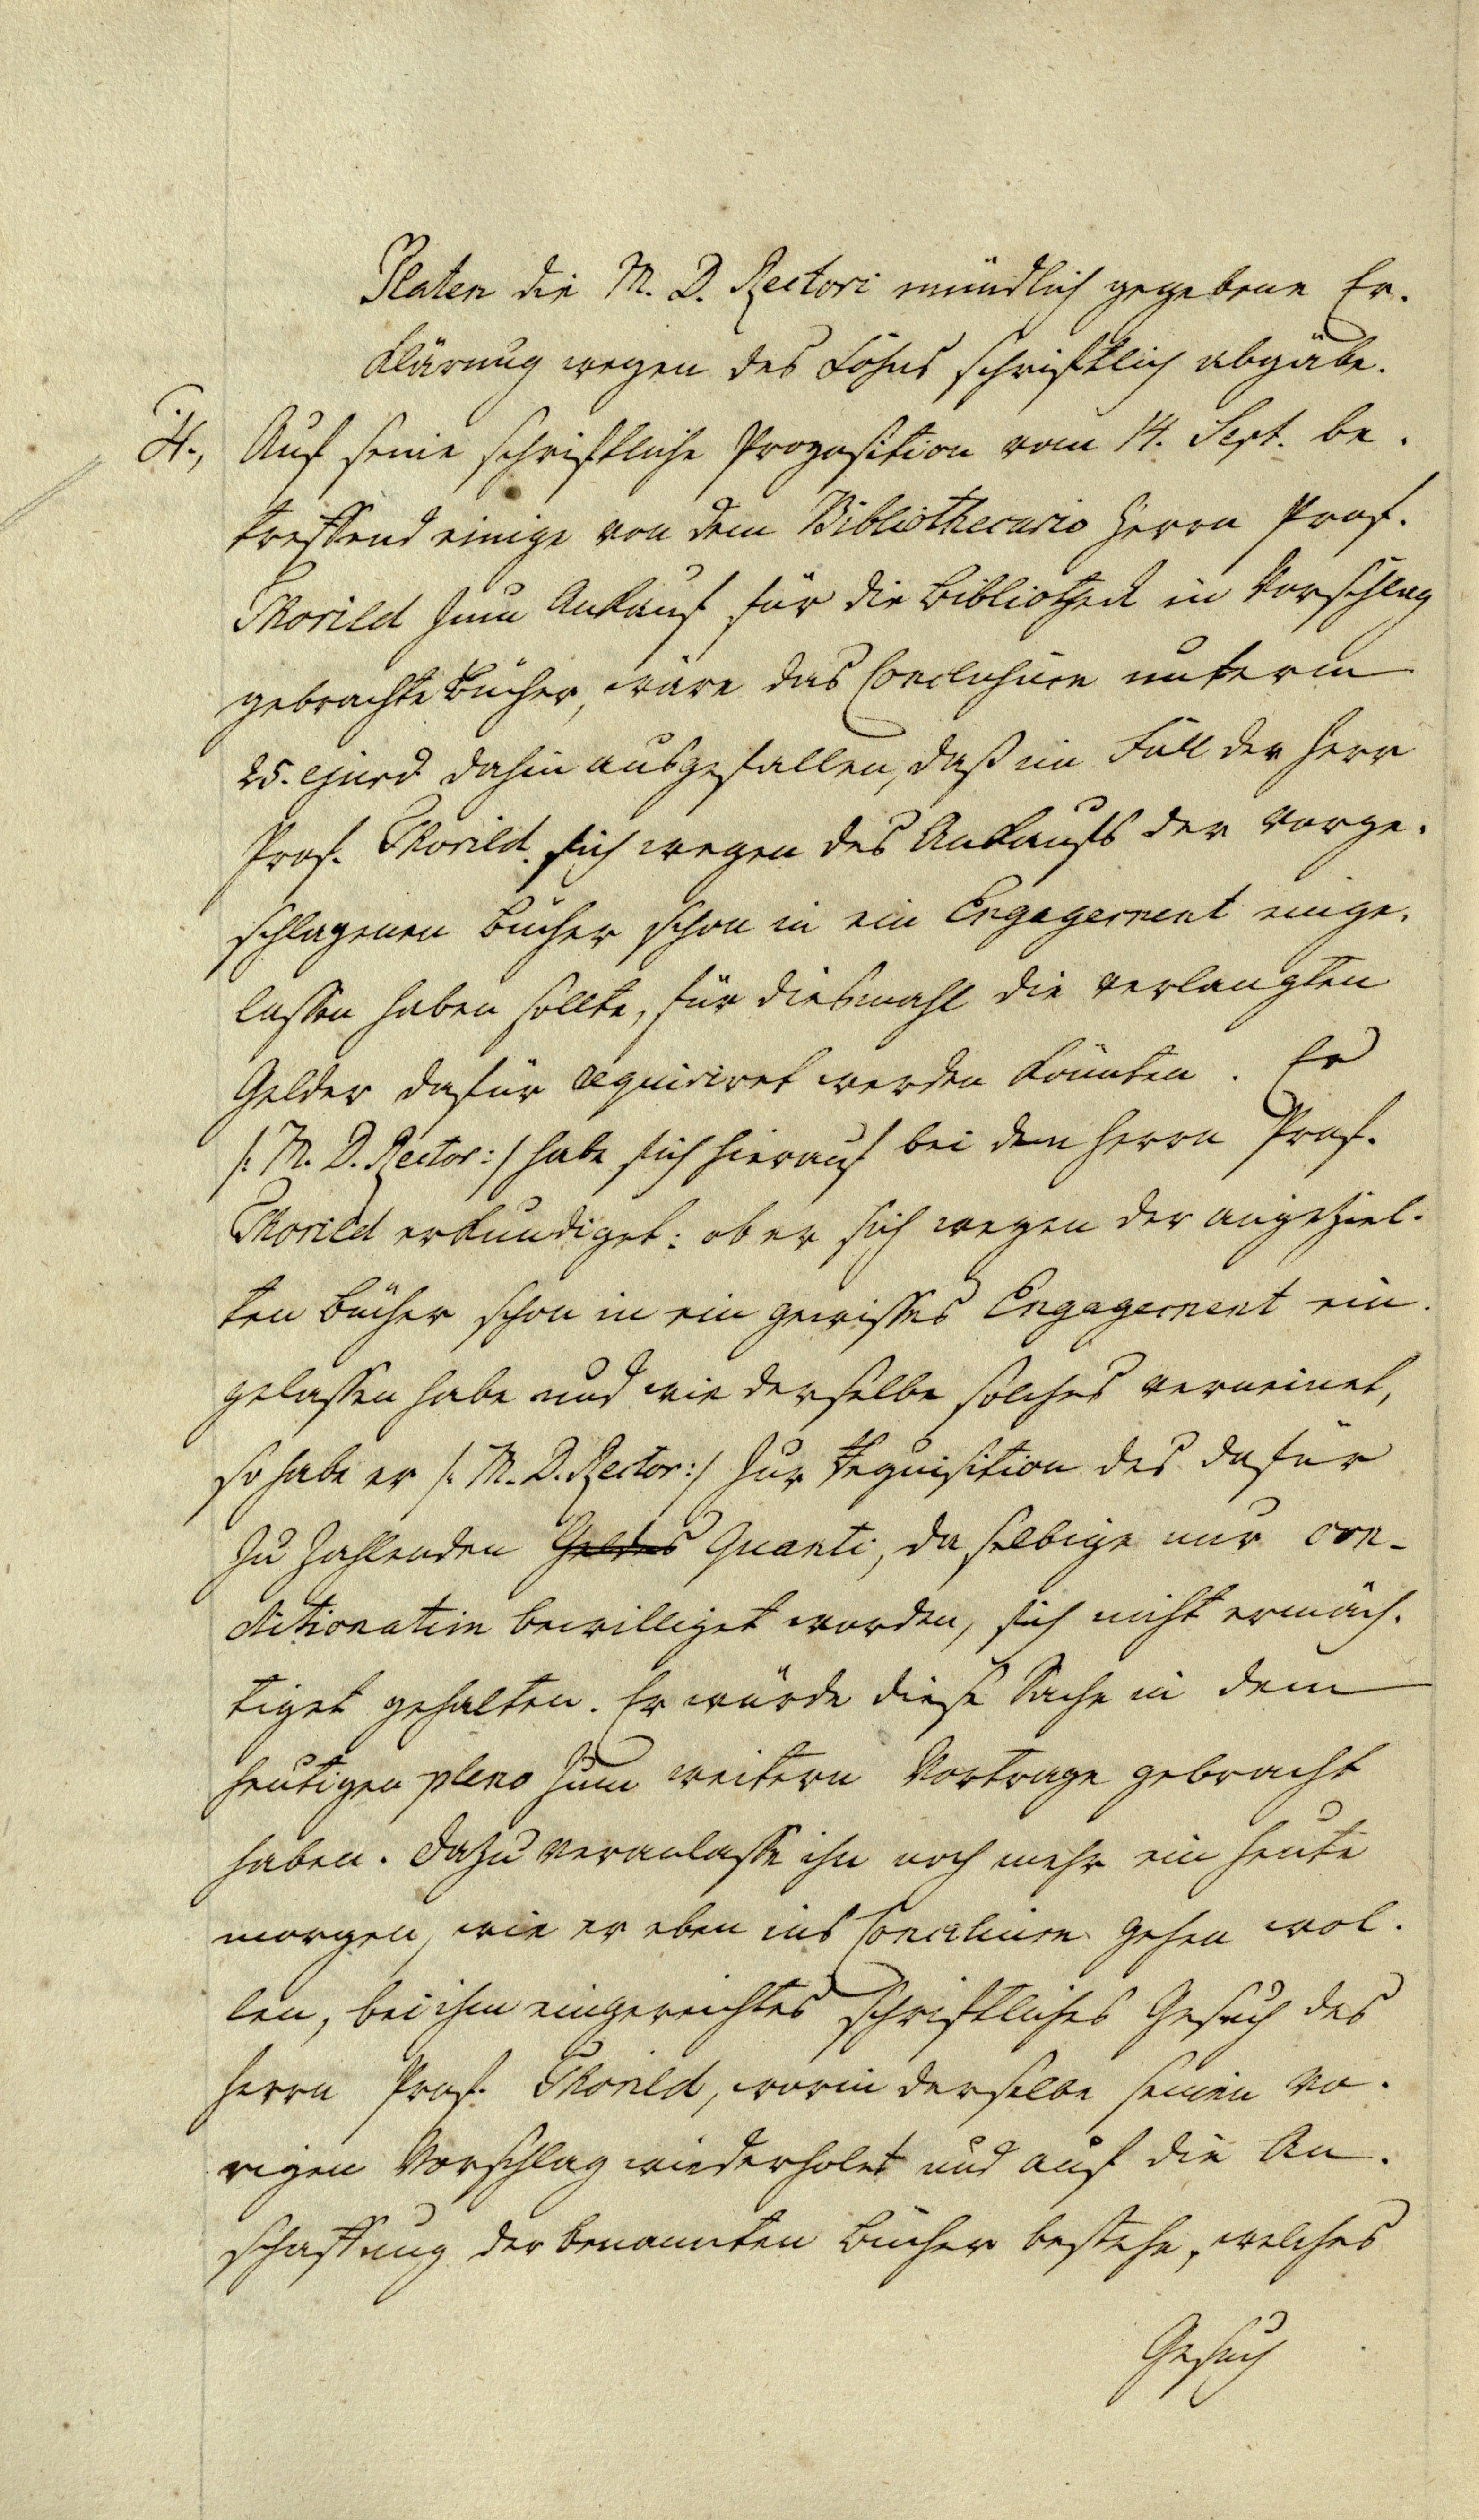Platen die M. D. Rectori mündlich gegebene Er¬
klärung wegen des Lohns schriftlich abgäbe.
4., Auf seine schriftliche Proposition vom 14. Sept. be¬
treffend einige von dem Bibliothecario Herrn Prof.
Thorild zum Ankauf für die Bibliotheck in Vorschlag
gebrachte Bücher, wäre das Conclusum unterm
25. ejusd. dahin ausgefallen, daß im Fall der Herr
Prof. Thorild sich wegen des Ankaufs der vorge¬
schlagenen Bücher schon in ein Engagement einge¬
lassen haben sollte, für diesmahl die verlangten
Gelder dafür requiriret werden könnten. Er
/. M. D. Rector :/ habe sich hierauf bei dem Herrn Prof.
Thorild erkundiget: ob er sich wegen der angeziel¬
ten Bücher schon in ein gewisses Engagement ein¬
gelassen habe und wie derselbe solches verneinet,
so habe er /. M. D. Rector :/ zur Requisition der dafür
zu zahlenden Gelder Quanti, da selbige nur con¬
ditionatien bewilligt worden, sich nicht ermäch¬
tiget gehalten. Er würde diese Sache in dem
heutigen pleno zum weitern Vortrage gebracht
haben. Dazu veranlasse ihn noch mehr ein heute
morgen, wie er eben aus Concilium gehen wol¬
len, bei ihm eingereichtes schriftliches Gesuch des
Herrn Prof. Thorild, worin derselbe seinen vo¬
rigen Vorschlag wiederholet und auf die An¬
schaffung der benannten Bücher bestehe, welches
Gesuch